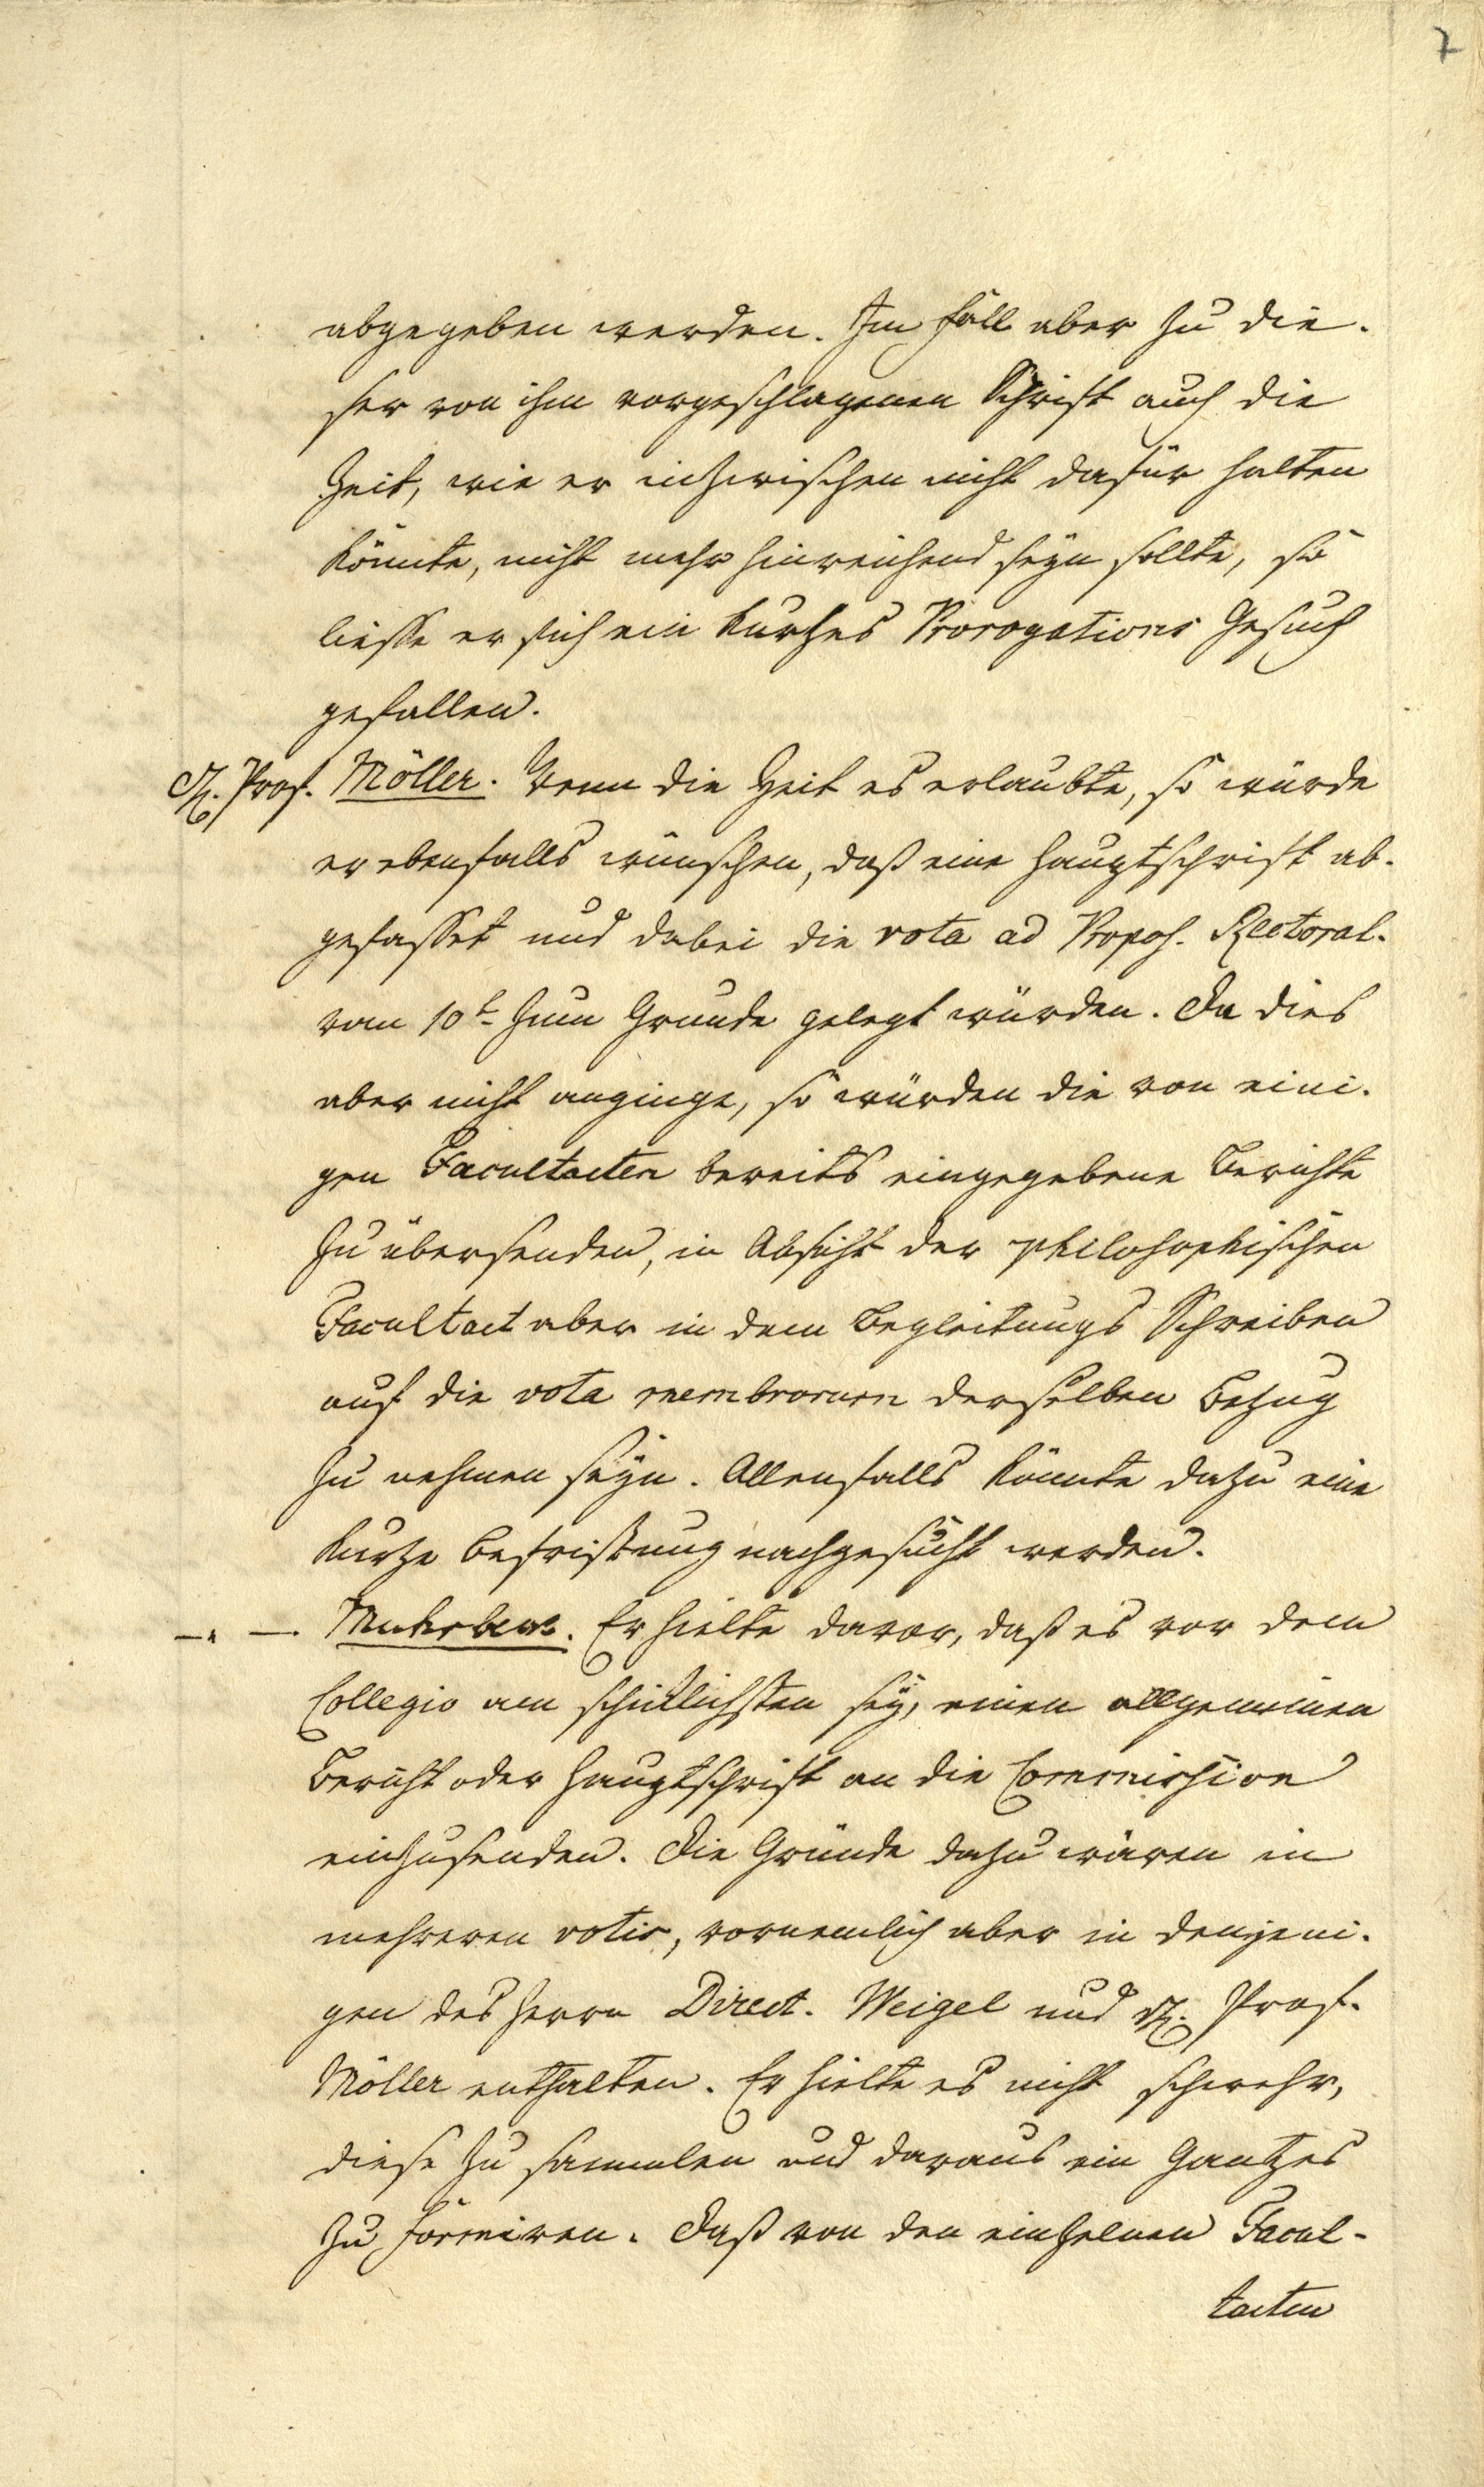abgegeben werden. Im Fall aber zu die-
ser von ihm vorgeschlagenen Schrift auch die
Zeit, wie er inzwischen nicht dafür halten
könnte, nicht mehr hinreichend seyn sollte, so
liesse er sich ein kurzes Prorogations Gesuch
gefallen.
dh. Prof. Möller. Wenn die Zeit es erlaubte, so würde
er ebenfalls wünschen, daß eine Hauptschrift ab-
gefasset und dabei die vota ad Propos. Rectoral.
vom 10ten zum Grunde gelegt würden. Da dies
aber nicht anginge, so würden die von eini-
gen Facultaeten bereits eingegebene Berichte
zu übersenden, in Absicht der philosophischen
Facultaet aber in dem Begleitungs Schreiben
auf die vota membrorum derselben Bezug
zu nehmen seyn. Allenfalls könnte dazu eine
kurze Befristung nachgesucht werden.
- " - Muhrbeck. er hielte davor, daß es vor dem
Collegio am schicklichsten sey, einen allgemeinen
Bericht oder Hauptschrift an die Commission
einzusenden. Die Gründe dazu wären in
mehreren votis, vornemlich aber in denjeni-
gen des Herrn Direct. Weigel und dh. Prof.
Möller enthalten. Er hielte es nicht schwehr,
diese zu sammlen und daraus ein Gantzes
zu formiren. Daß von den einzelnen Facul-
taeten